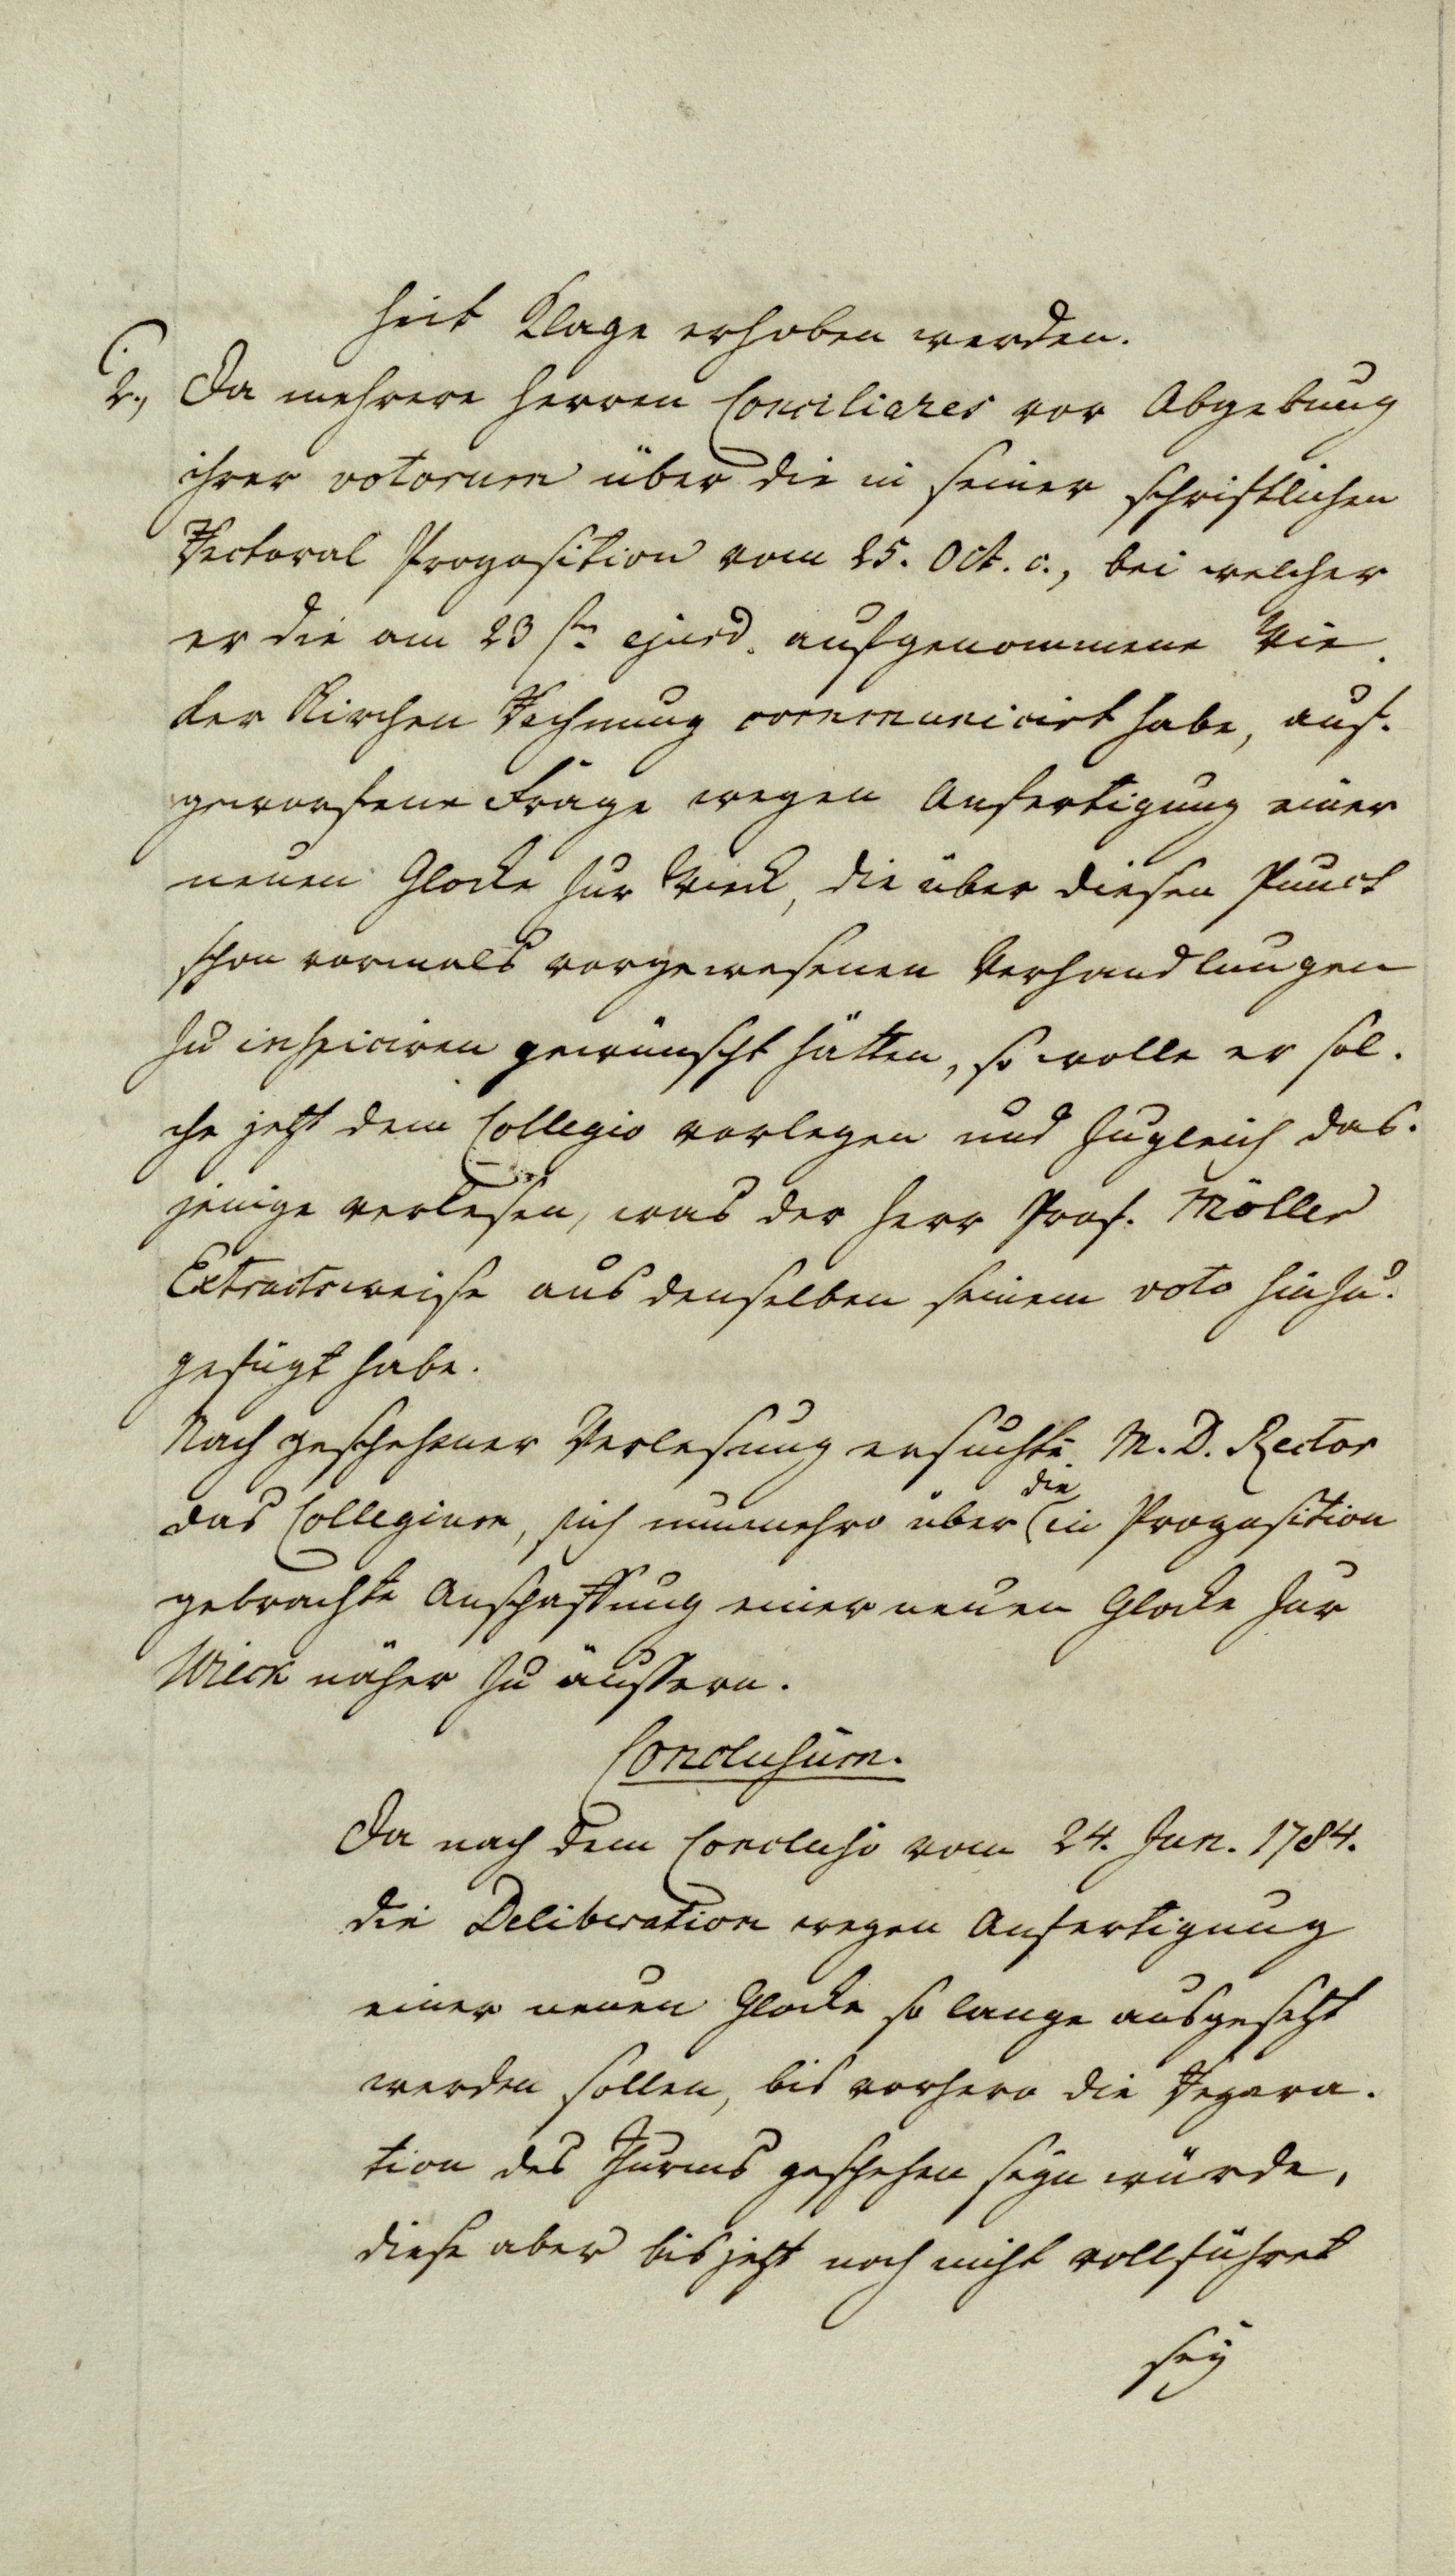heit Klage erhoben werden.
2., Da mehrere Herren Conciliares vor Abgebng
ihrer votorum über die in seiner schriftlichen
Rectoral Proposition vom 25. Oct. c., bei welcher
er die am 23 sten ejusd. aufgenommene Wie¬
ker Kirchen Rechnung communicirt habe, auf¬
geworfene Frage wegen Anfertigung einer
neuen Glocke zu Wieck, die über diesen Punct
schon vormals vorgewesenen Verhandlungen
zu inspiciren gewünscht hätten, so wolle er sol¬
che jetzt dem Collegio vorlegen und zugleich das¬
jenige verlesen, was der Herr Prof. Möller
Extractsweise aus denselben seinem voto hinzu¬
gefügt habe.
Nach geschehener Vorlesung ersuchte M. D. Rector
die
das Collegium, sich nunmehro über in Proposition
gebrachte Anschaffung einer neuen Glocke zur
Wieck näher zu äussern.
Conclusum.
Da nach dem Concluso vom 24. Jun. 1784.
die Deliberation wegen Anfertigung
einer neuen Glocke so lange ausgesetzt
werden sollen, bis vorhero die Repara¬
tion des Thurms geschehen seÿn würde,
diese aber bis jetzt noch nicht vollführet
seÿ